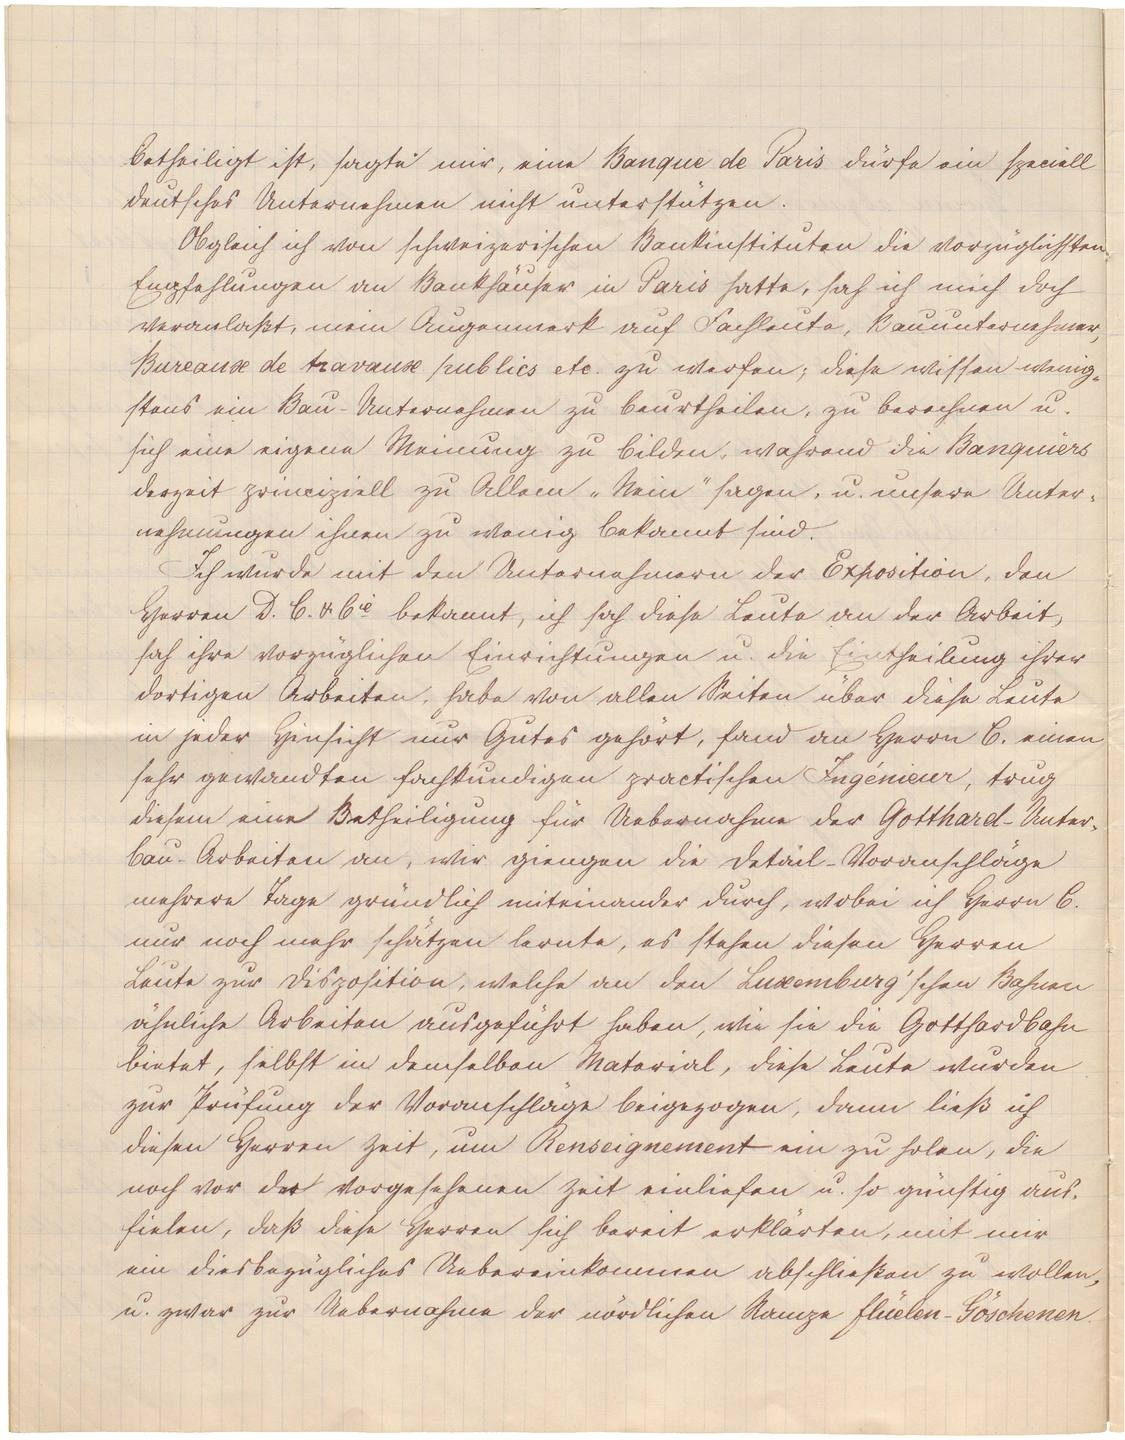betheiligt ist, sagte mir, eine Banque de Paris dürfe ein speciell
deutsches Unternehmen nicht unterstützen.
Obgleich ich von schweizerischen Bankinstituten die vorzüglichsten
Empfehlungen an Bankhäuser in Paris hatte, sah ich mich doch
veranlaßt, mein Augenmerk auf Fachleute, Bauunternehmen,
Bureaux de travaux publics etc. zu werfen; diese wissen wenig-
stens ein Bau-Unternehmen zu beurtheilen, zu berechnen u.
sich eine eigene Meinung zu bilden, wahrend die Banquiers
derzeit principiell zu Allem «Nein» sagen, u. unsere Unter-
nehmungen ihnen zu wenig bekannt sind.
Ich wurde mit den Unternehmern der Exposition, den
Herren D. C. & Cie bekannt, ich sah diese Leute an der Arbeit,
sah ihre vorzüglichen Einrichtungen u. die Eintheilung ihrer
dortigen Arbeiten, habe von allen Seiten über diese Leute
in jeder Hinsicht nur Gutes gehört, fand an Herrn C. einen
sehr gewandten fachkundigen practischen Ingénieur, trug
diesem eine Betheiligung für Uebernahme der Gotthard -Unter-
bau-Arbeiten an, wir giengen die Detail-Voranschläge
mehrere Tage gründlich miteinander durch, wobei ich Herrn C.
nur noch mehr schätzen lernte, es stehen diesen Herren
Leute zur Disposition, welche an den Luxemburg'schen Bahnen
ähnliche Arbeiten ausgeführt haben, wie sie die Gotthardbahn
bietet, selbst in demselben Material, diese Leute wurden
zur Prüfung der Voranschläge beigezogen, dann ließ ich
diesen Herren Zeit, um Renseignement ein zu holen, die
noch vor der vorgesehenen Zeit einliefen u. so günstig aus-
fielen, daß diese Herren sich bereit erklärten, mit mir
ein diesbezügliches Uebereinkommen abschließen zu wollen
u. zwar zur Uebernahme der nördlichen Rampe Flüelen–Göschenen